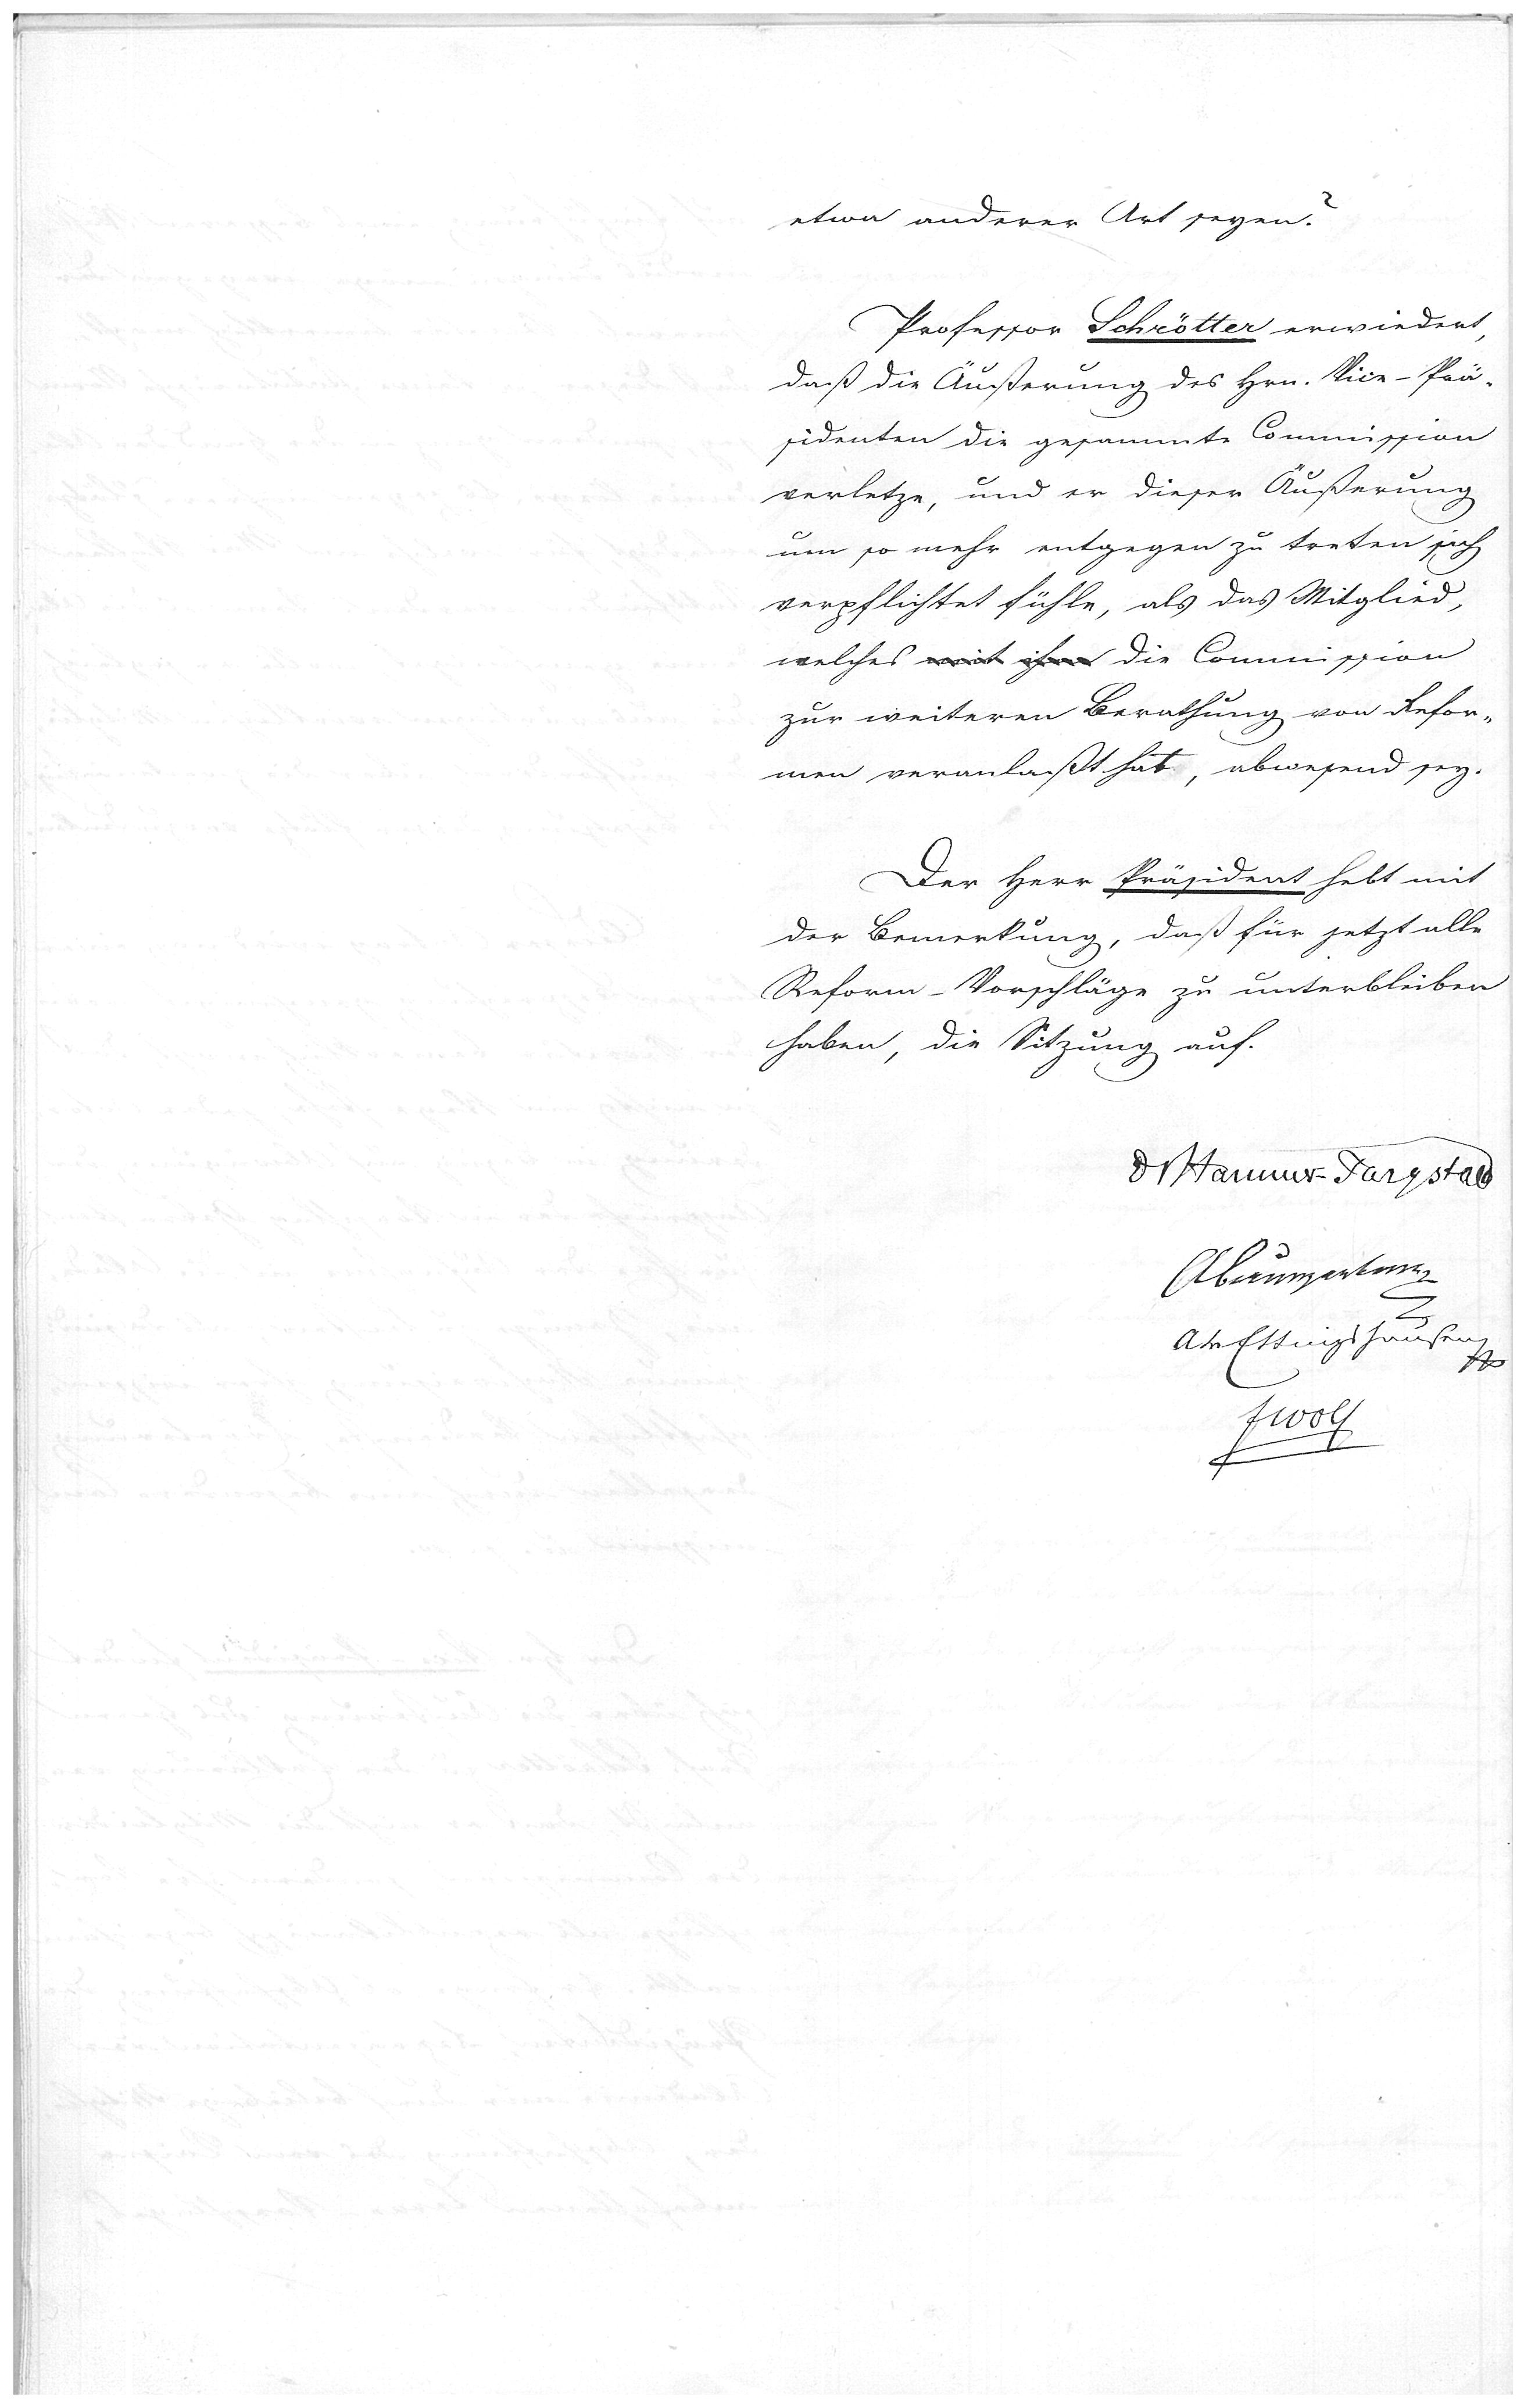etwa anderer Art seyen?
Professor Schrötter erwiedert,
daß die Äußerung des Hrn. Vice-Prä-
sidenten die gesammte Commission
verletze, und er dieser Äußerung
um so mehr entgegen zu treten sich
verpflichtet fühle, als das Mitglied,
welches mit ihm die Commission
zur weiteren Berathung von Refor-
men veranlaßt hat, abwesend sey.
Der Herr Präsident hebt mit
der Bemerkung, daß für jetzt alle
Reform-Vorschläge zu unterbleiben
haben, die Sitzung auf.
vHammer-Purgstall
ABaumgartner
AvEttingshausen
FWolf